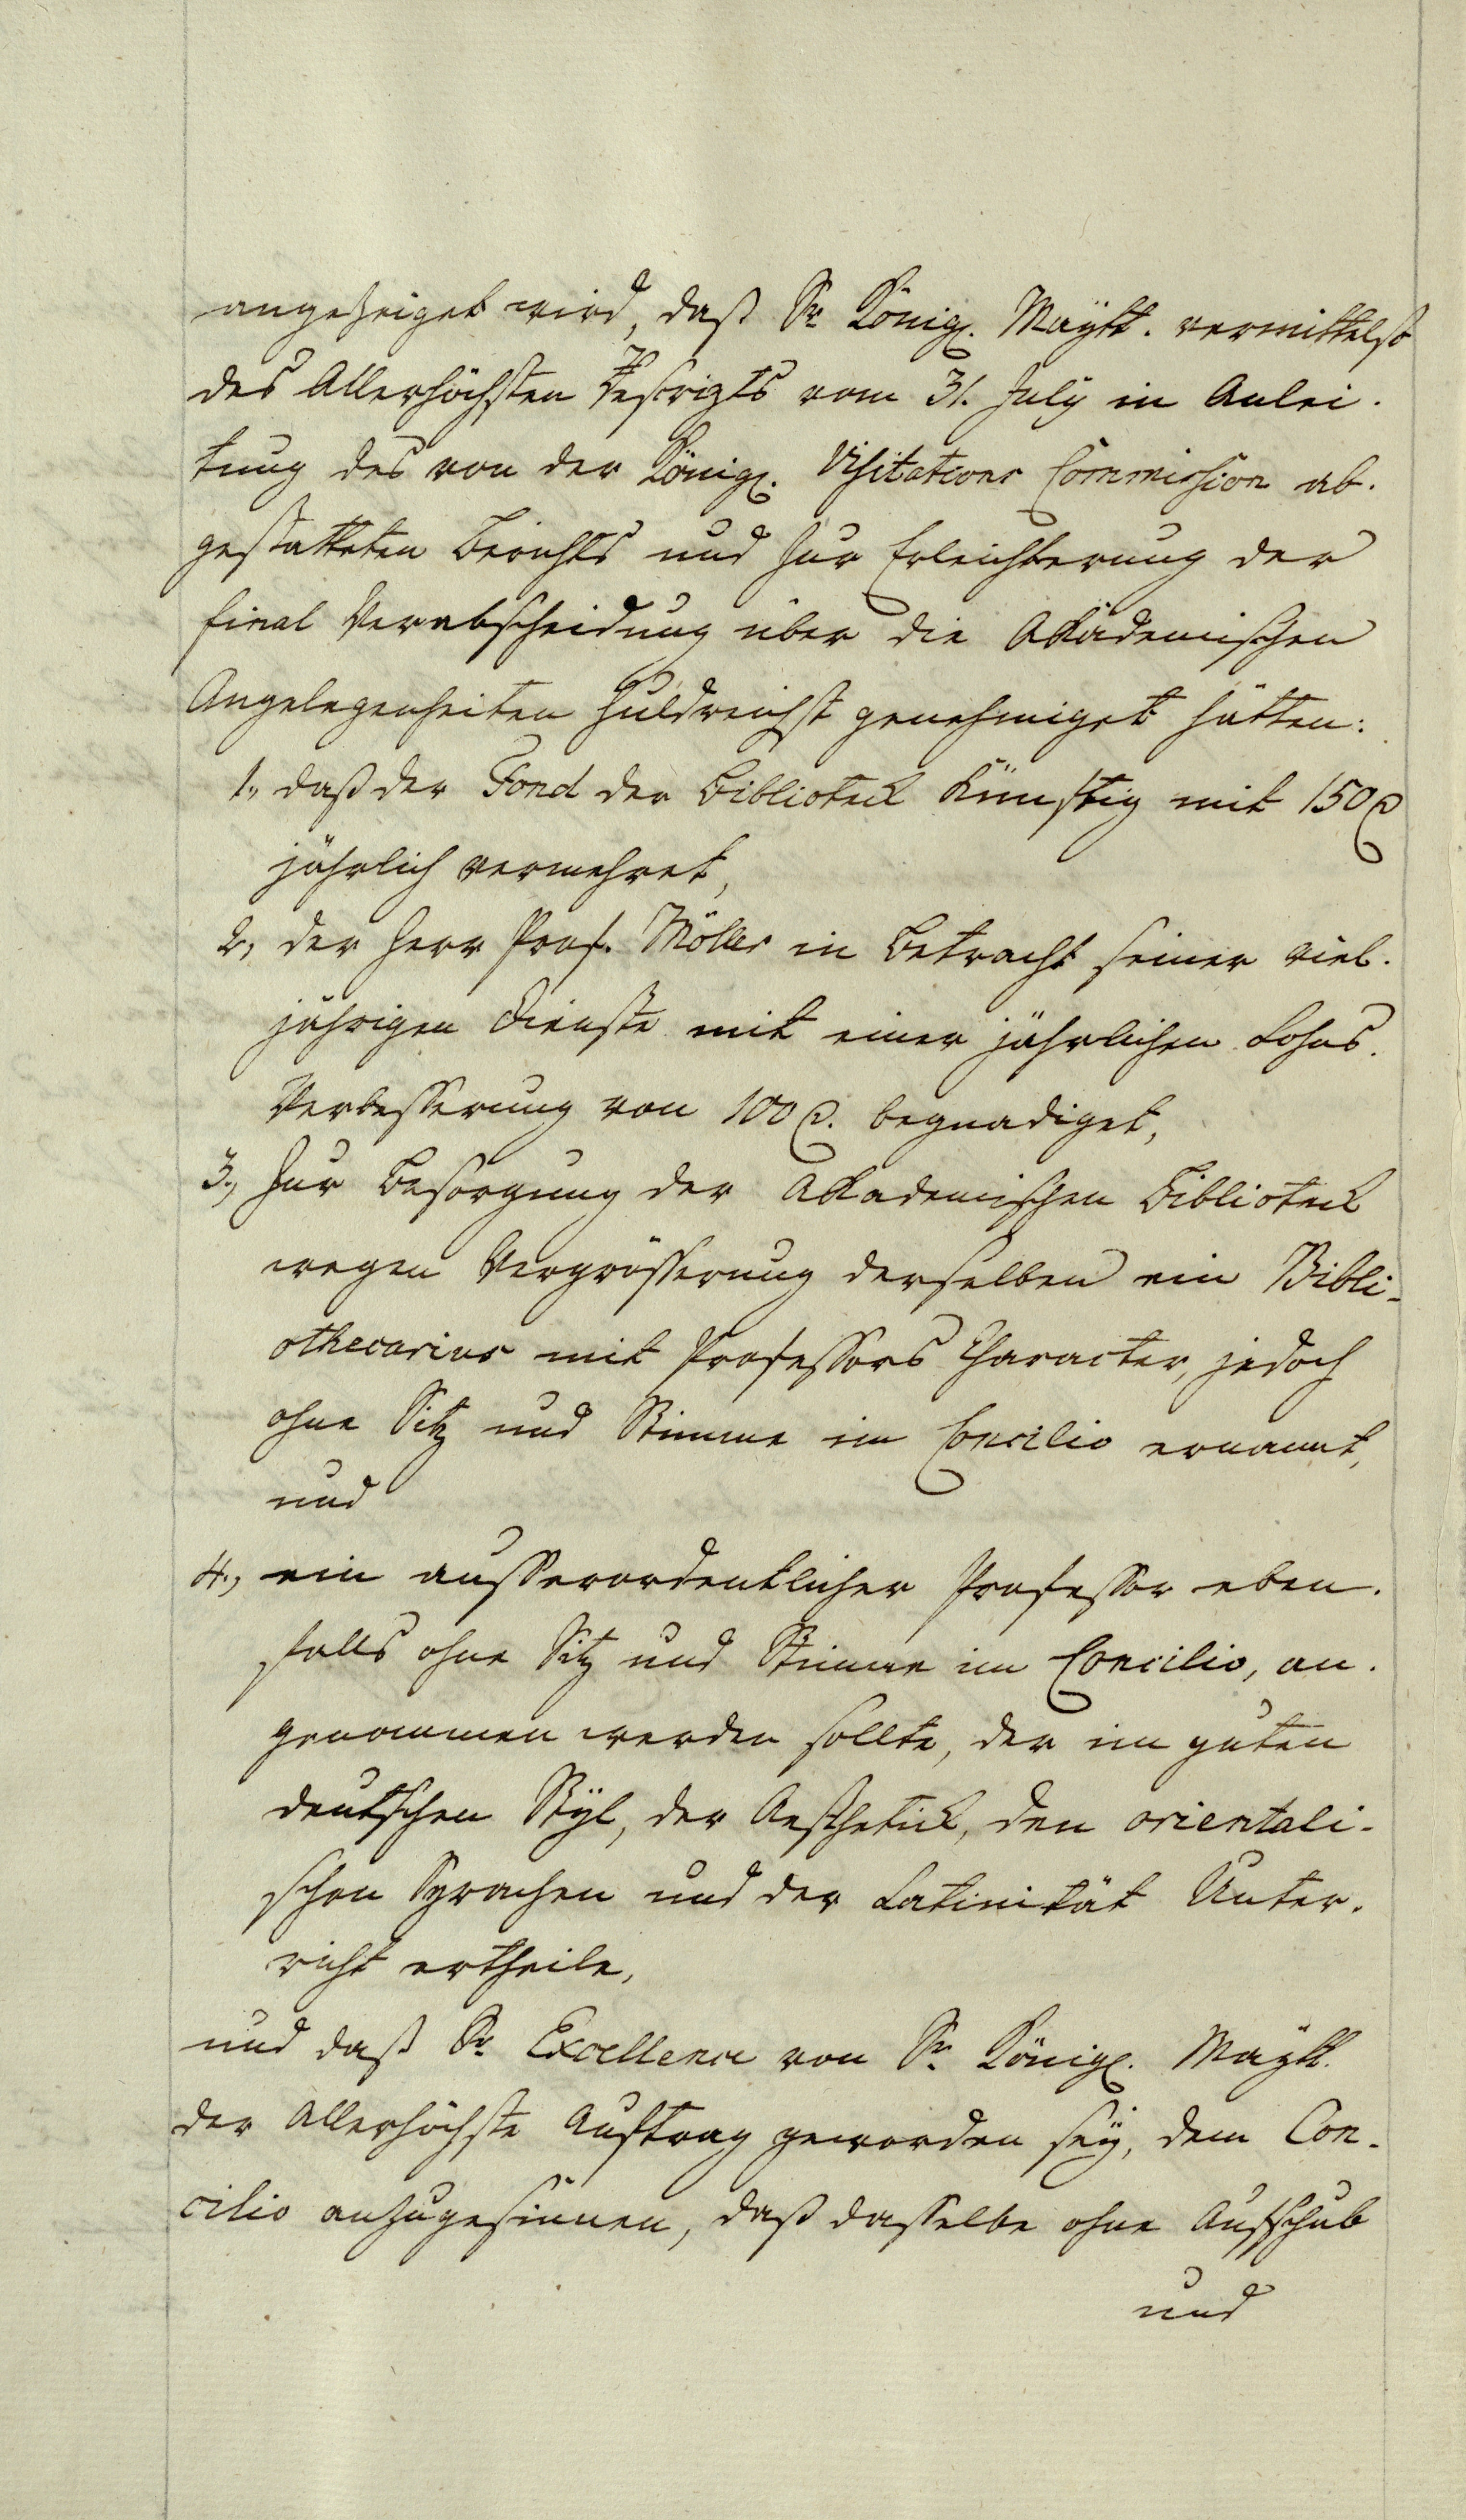angezeiget wird, daß Sr. Königl. Maÿst. vermittelst
des Allerhöchsten Rescripts vom 31. Julÿ in Anlei¬
tung des von der Königl. Visitations Commission ab¬
gestatteten Berichts und zur Erleichterung der
final Verabscheidung über die Akademischen
Angelegenheiten huldreichst genehmiget hätten:
1., daß der Fond der Bibliotek künftig mit 150 rtl
jährlich vermehrt,
2., der Herr Prof. Möller in Betracht seiner viel¬
jährigen Dienste mit einer jährlichen Lohns¬
Verbesserung von 100 rtl begnadiget,
3., Zur Besorgung der Akademischen Bibliotek
wegen Vergrößerung derselben ein Bibli¬
othecarius mit Professors Character, jedoch
ohne Sitz und Stimme im Concilio ernannt,
und
4., ein außerordentlicher Professor eben¬
falls ohne Sitz und Stimme im Concilio, an¬
genommen werden sollte, der im guten
deutschen Stÿl, der Aesthetick, den orientali¬
schen Sprachen und der Latinität Unter¬
richt ertheile,
und daß Sr. Excellence von Sr. Königl. Maÿst.
der Allerhöchste Auftrag geworden seÿ, dem Con¬
cilio anzugesinnen, daß dasselbe ohne Aufschub
und